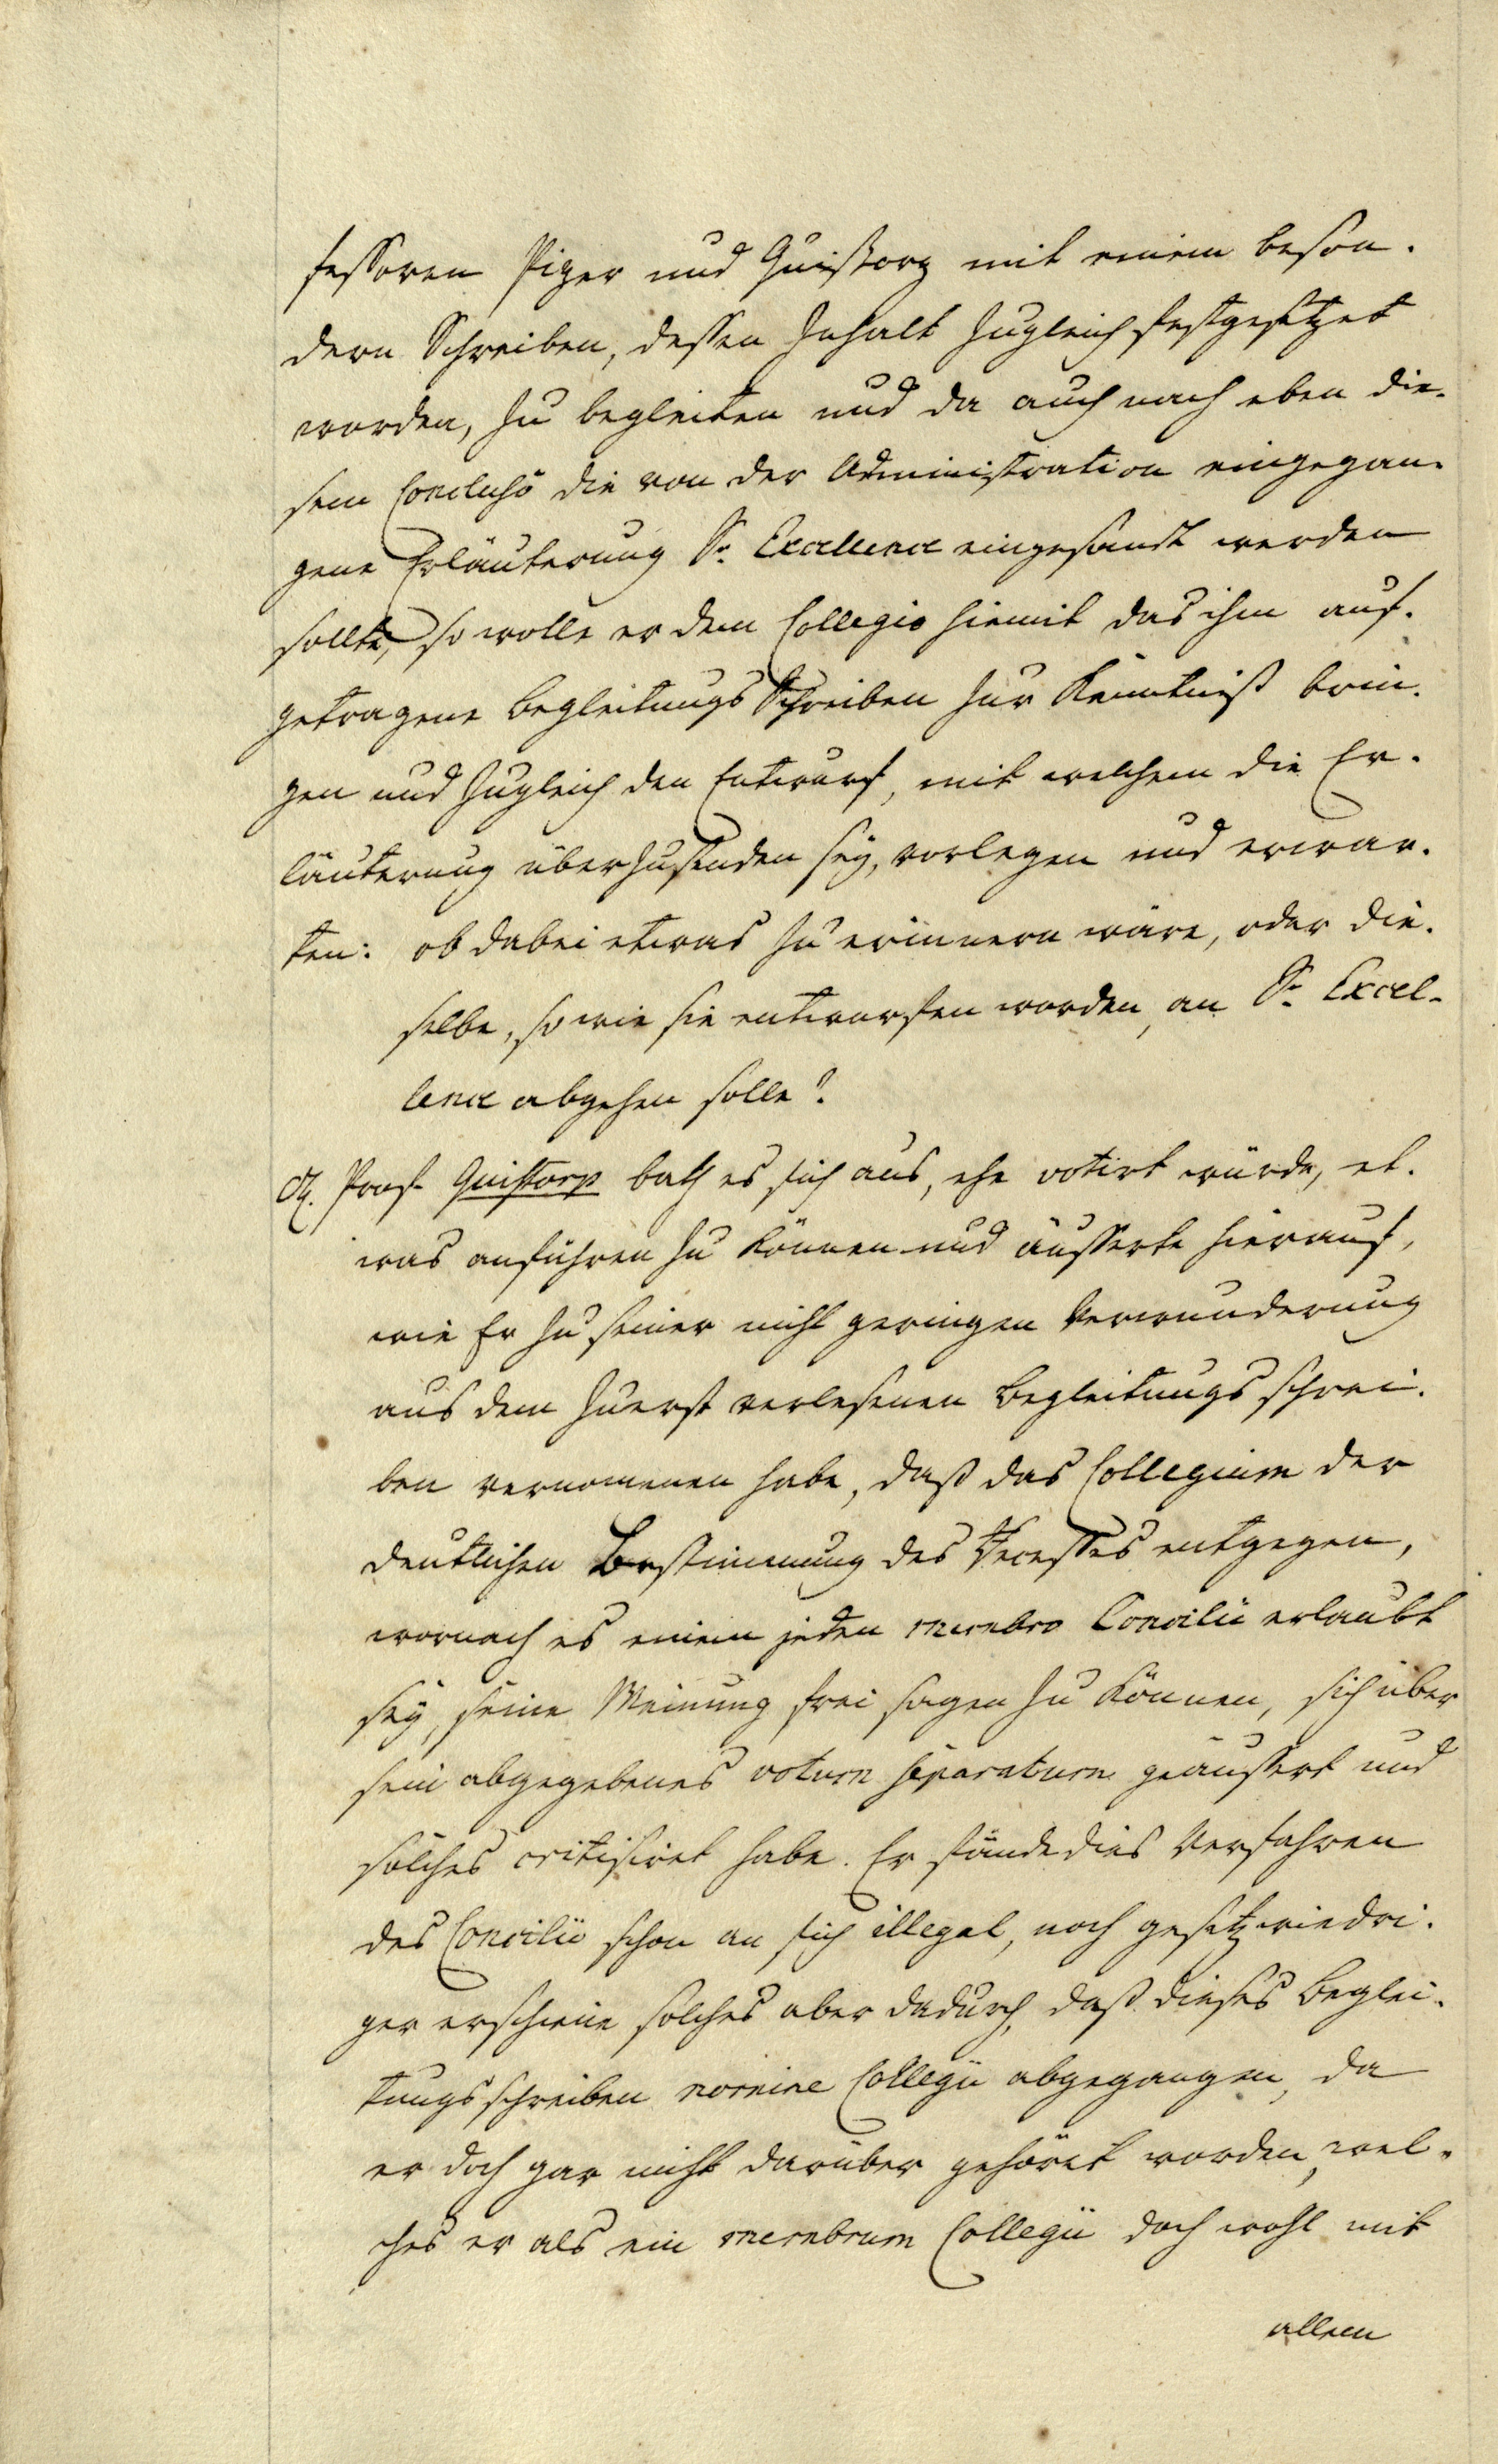fessoren Piper und Quistorp mit einem beson¬
dern Schreiben, dessen Inhalt zugleich festgesetzet
worden, zu begleiten und da auch nach eben die¬
sem Concluso die von der Administration eingegan¬
gene Erläuterung Sr Excellence eingesandt werden
sollte, so wolle er dem Collegio hiemit das ihm auf¬
getragene Begleitungs Schreiben zur Kenntniß brin¬
gen und zugleich den Entwurf, mit welchem die Er¬
läuterung überzusenden seÿ, vorlegen und erwar¬
ten: ob dabei etwas zu erinnern wäre, oder die¬
selbe, so wie sie entworfen worden, an Sr Excel¬
lence abgehen solle?
dh. Prof. Quistorp bath es sich aus, ehe votirt würde, et¬
was anführen zu können und äusserte hierauf,
wie Er zu seiner nicht geringen Verwunderung
aus dem zuerst verlesenen Begleitungsschrei¬
ben vernommen habe, daß das Collegium der
deutlichen Bestimmung des Recesses entgegen,
wornach es einem jeden membro Concilii erlaubt
seÿ, seine Meinung frei sagen zu können, sich über
sein abgegebenes votum separatum geäussert und
solches critisiret habe. Er fände dies Verfahren
des Concilii schon an sich illegal, noch gesetzwiedri¬
ger erschiene solches aber dadurch, daß dieses Beglei¬
tungsschreiben nomine Collegii abgegangen, da
er doch gar nicht darüber gehöret worden, wel¬
ches er als ein membrum Collegii doch wohl mit
allem